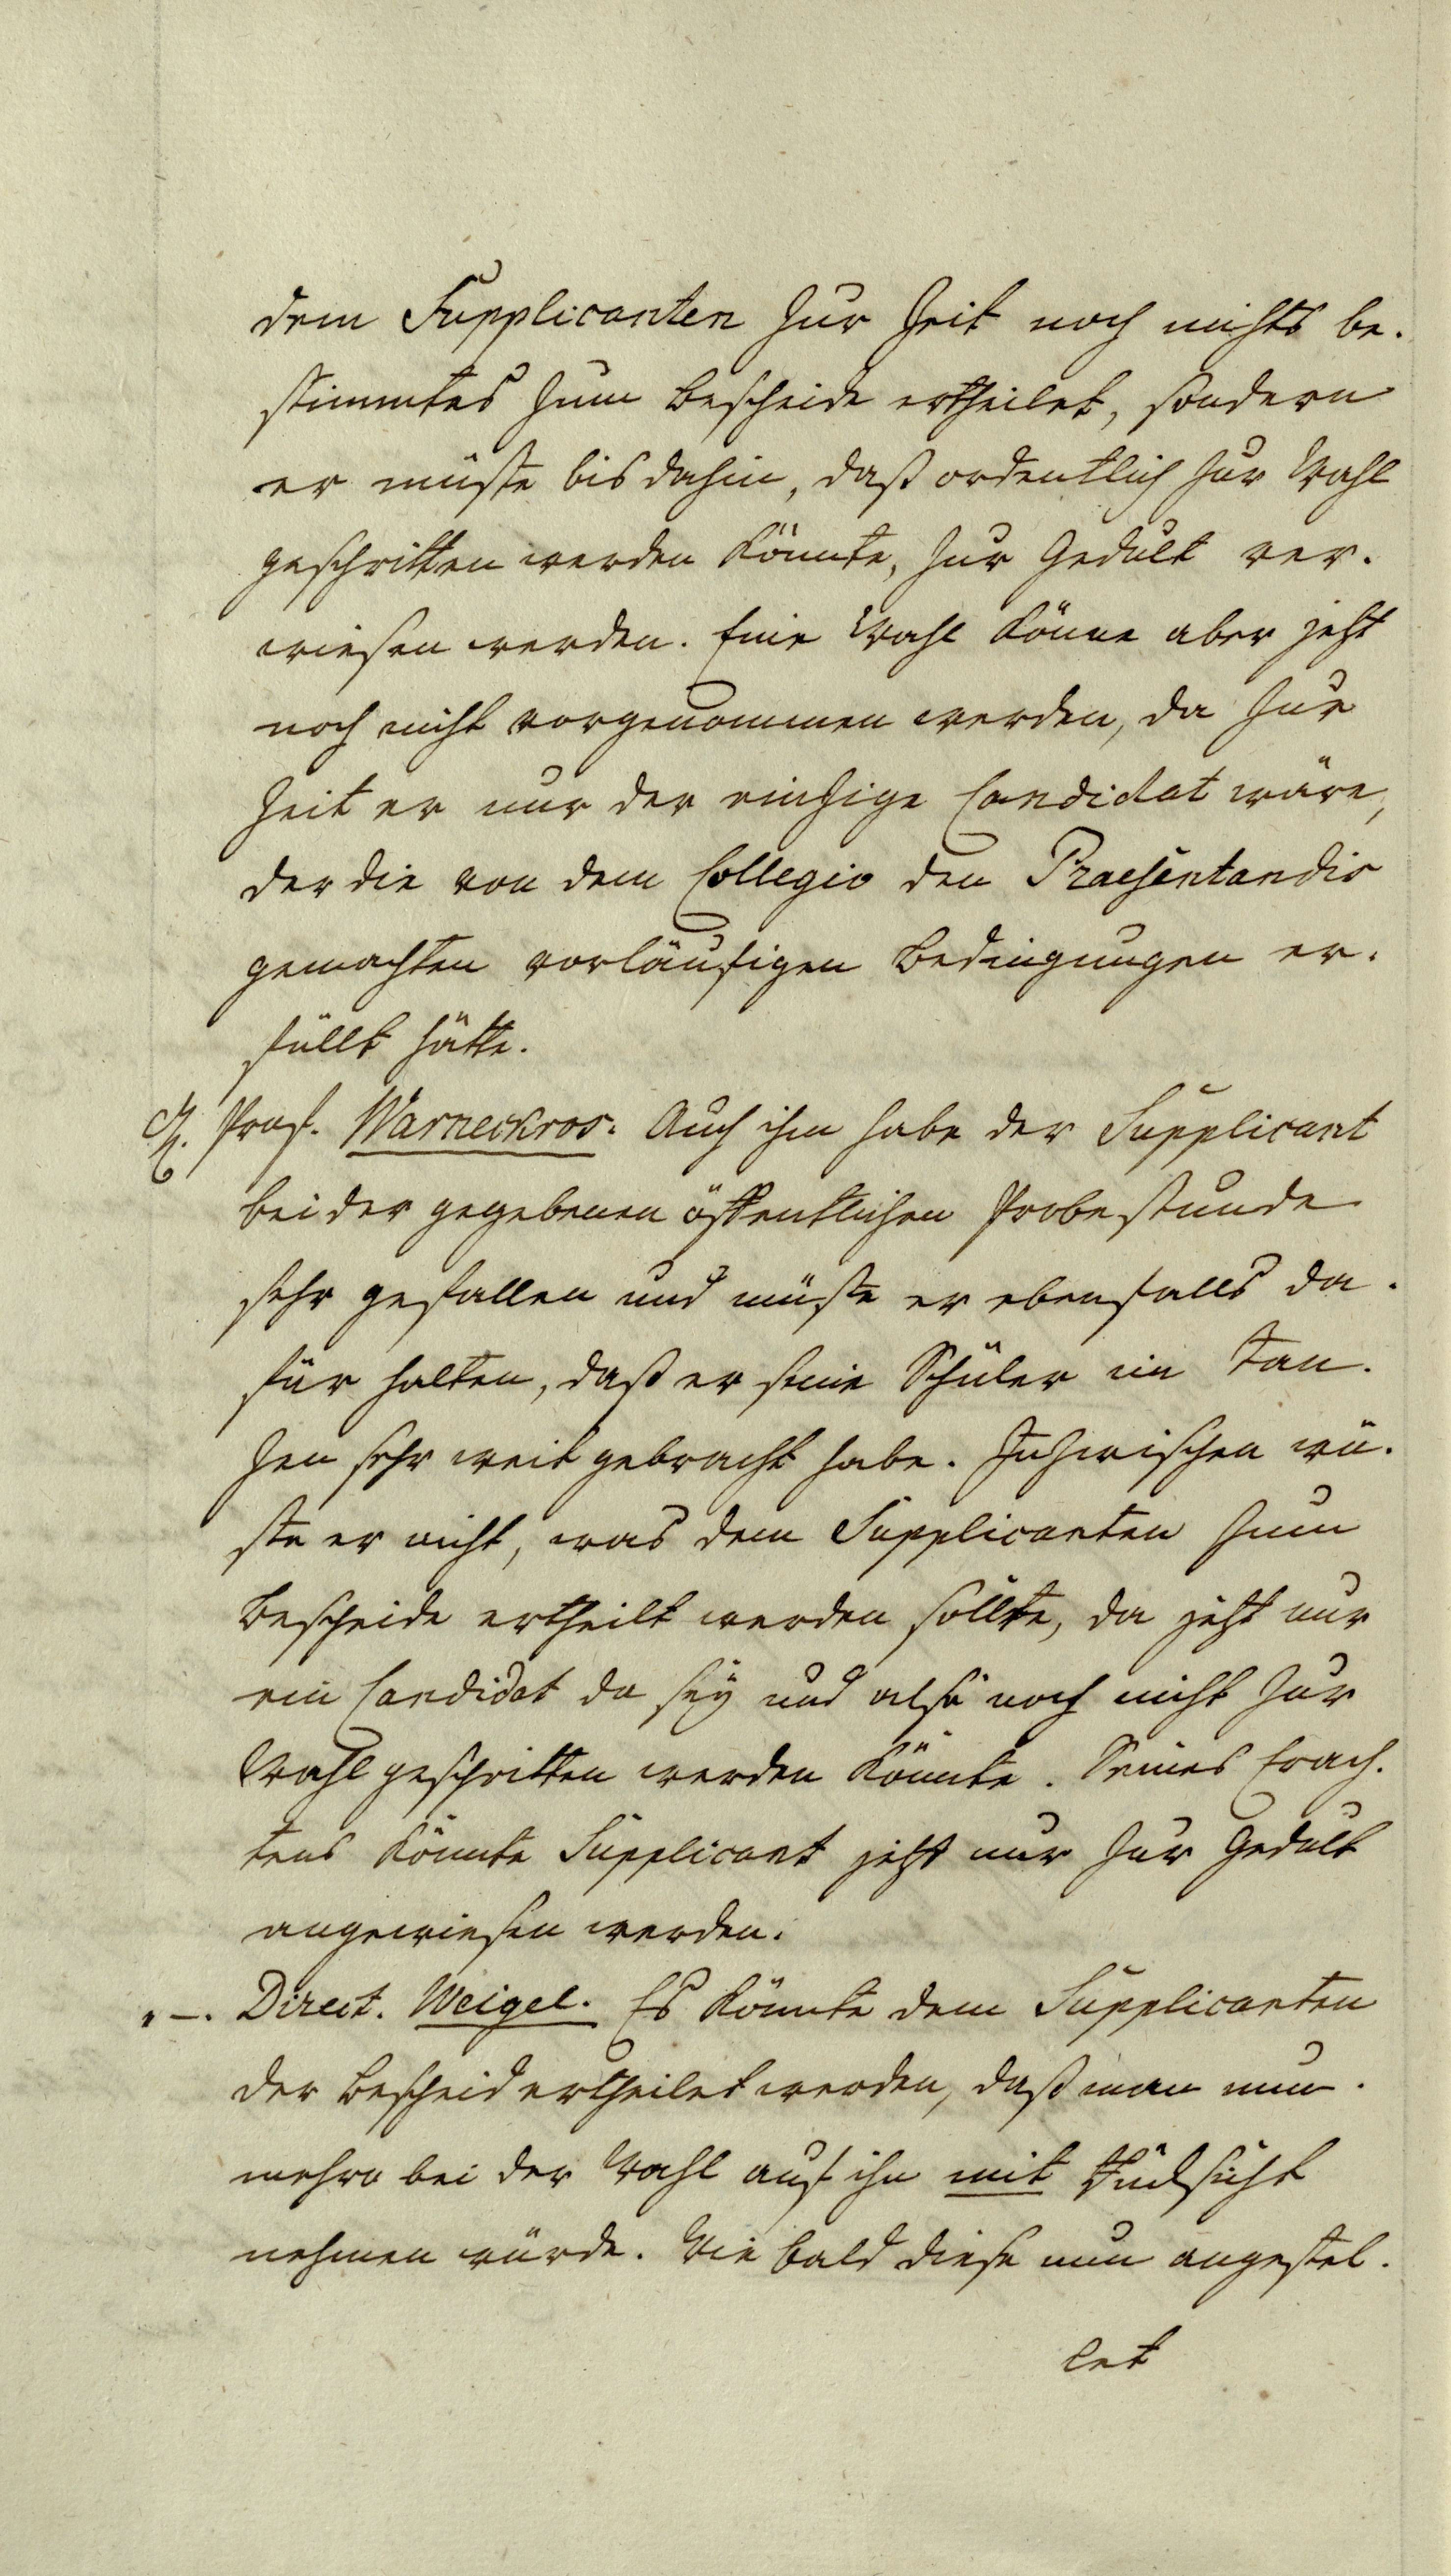dem Supplicanten zur Zeit noch nichts be¬
stimmtes zum Bescheide ertheilet, sondern
er müsste bis dahin, daß ordentlich zur Wahl
geschritten werden könnte, zur Gedult ver¬
wiesen werden. Eine Wahl könne aber jetzt
noch nicht vorgenommen werden, da zur
Zeit er nur der einzige Candidat wäre,
der die von dem Collegio den Praesentandis
gemachten vorläufigen Bedingungen er¬
füllt hätte.
dh. Prof. Warneckros. Auch ihm habe der Supplicant
bei der gegebenen öffentlichen Probestunde
sehr gefallen und müsste er ebenfalls da¬
für halten, daß er seine Schüler im Tan¬
zen sehr weit gebracht habe. Inzwischen wü¬
sste er nicht, was dem Supplicanten zum
Bescheide ertheilt werden sollte, da jetzt nur
ein Candidat da seÿ und also noch nicht zur
Wahl geschritten werden könnte. Seines Erach¬
tens könnte Supplicant jetzt nur zur Gedult
angewiesen werden.
" — . Direct. Weigel. Es könnte dem Supplicanten
der Bescheid ertheilt werden, daß man nun¬
mehro bei der Wahl auf ihn mit Rücksicht
nehmen würde. Wie bald diese nun angestel¬
let